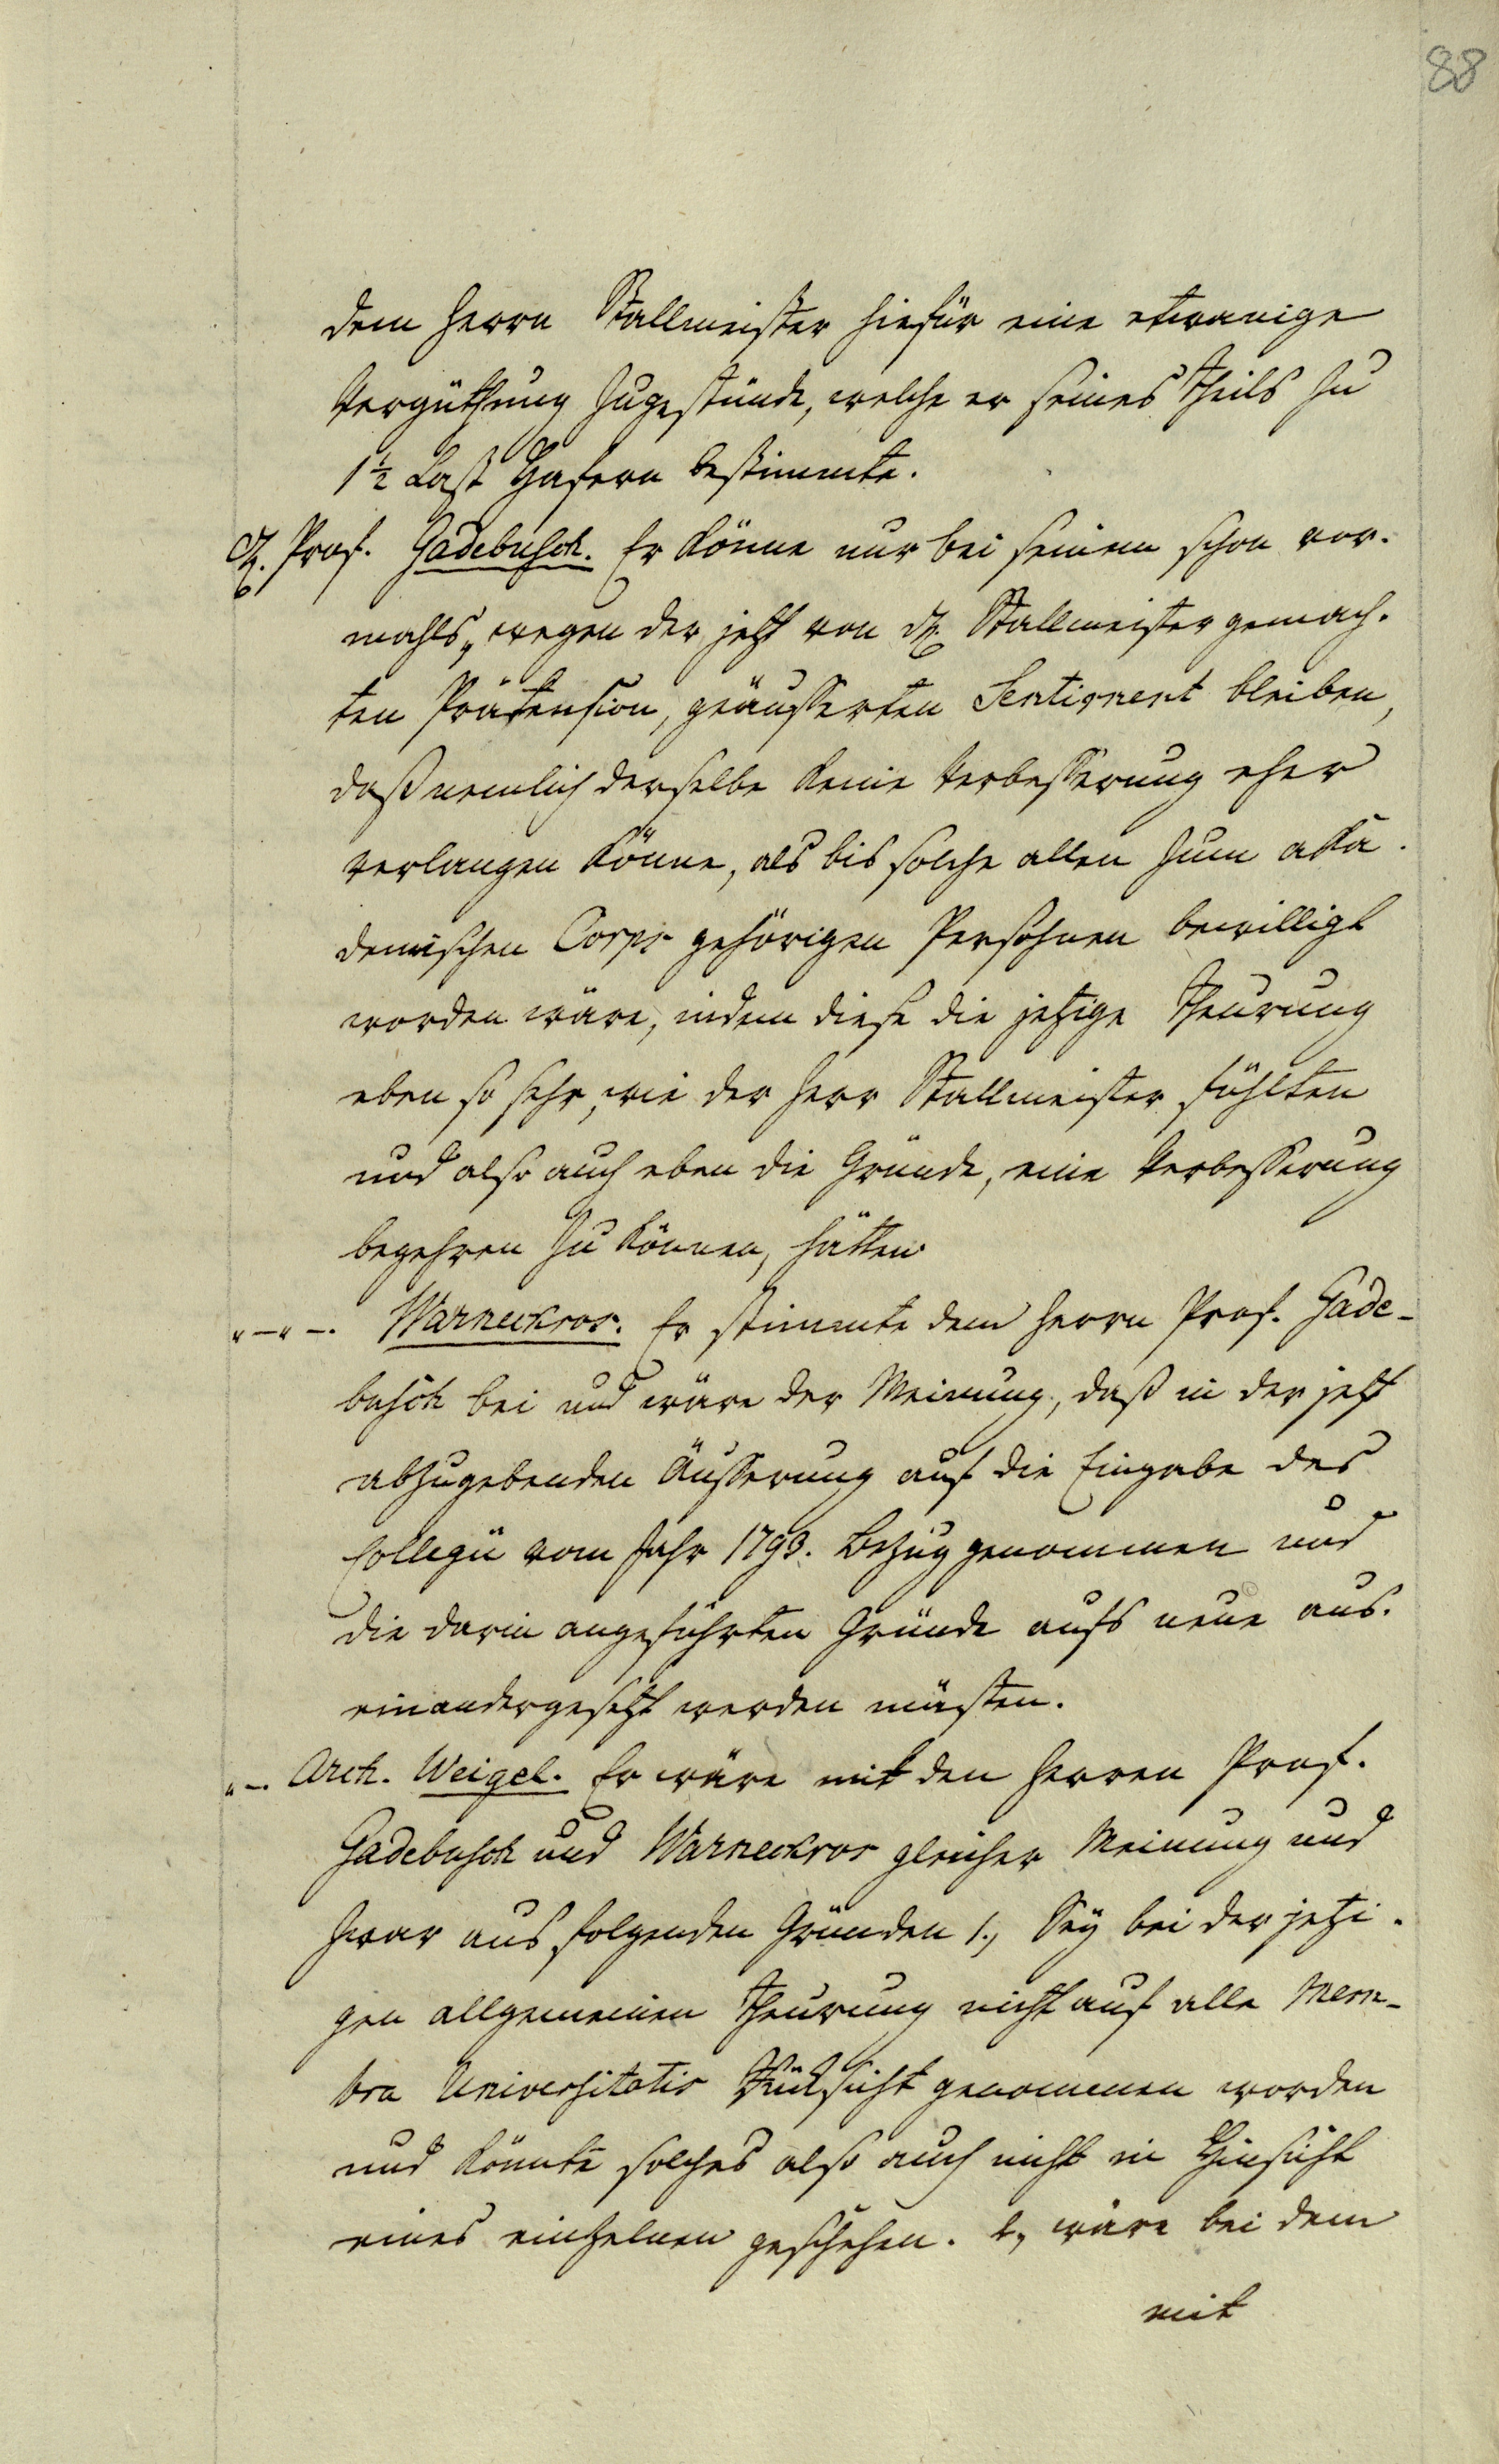dem Herrn Stallmeister hiefür eine etwanige
Vergüthung zugestünde, welche er seines Theils zu
1½ Last Hafern bestimmte.
dh. Prof. Gadebusch. Er könne nur bei seinem schon vor¬
mahls, wegen der jetzt von dh. Stallmeister gemach¬
ten Prätension, geäusserten Sentiment bleiben,
daß nemlich derselbe keine Verbesserung eher
verlangen könne als bis solche allen zum aka¬
demischen Corps gehörigen Persohnen bewilligt
worden wäre, indem diese die jetzige Theurung
eben so sehr, wie der Herr Stallmeister fühlten
und also auch eben die Gründe, eine Verbesserung
begehren zu können, hätten.
Warneckros. Er stimmte dem Herrn Prof. Gade¬
busch bei und wäre der Meinung, daß in der jetzt
abzugebenden Äusserung auf die Eingabe des
Collegii vom Jahr 1793. Bezug genommen und
die darin angeführten Gründe aufs neue aus¬
einandergesetzt werden müßten.
Arch. Weigel. Er wäre mit den Herren Prof.
Gadebusch und Warneckros gleicher Meinung und
zwar aus folgenden Gründen 1., Seÿ bei der jetzi¬
gen allgemeinen Theurung nicht auf alle Mem¬
bra Universitatis Rücksicht genommen worden
und könnte solches also auch nicht in Hinsicht
eines einzelnen geschehen. 2, wäre bei dem
mit